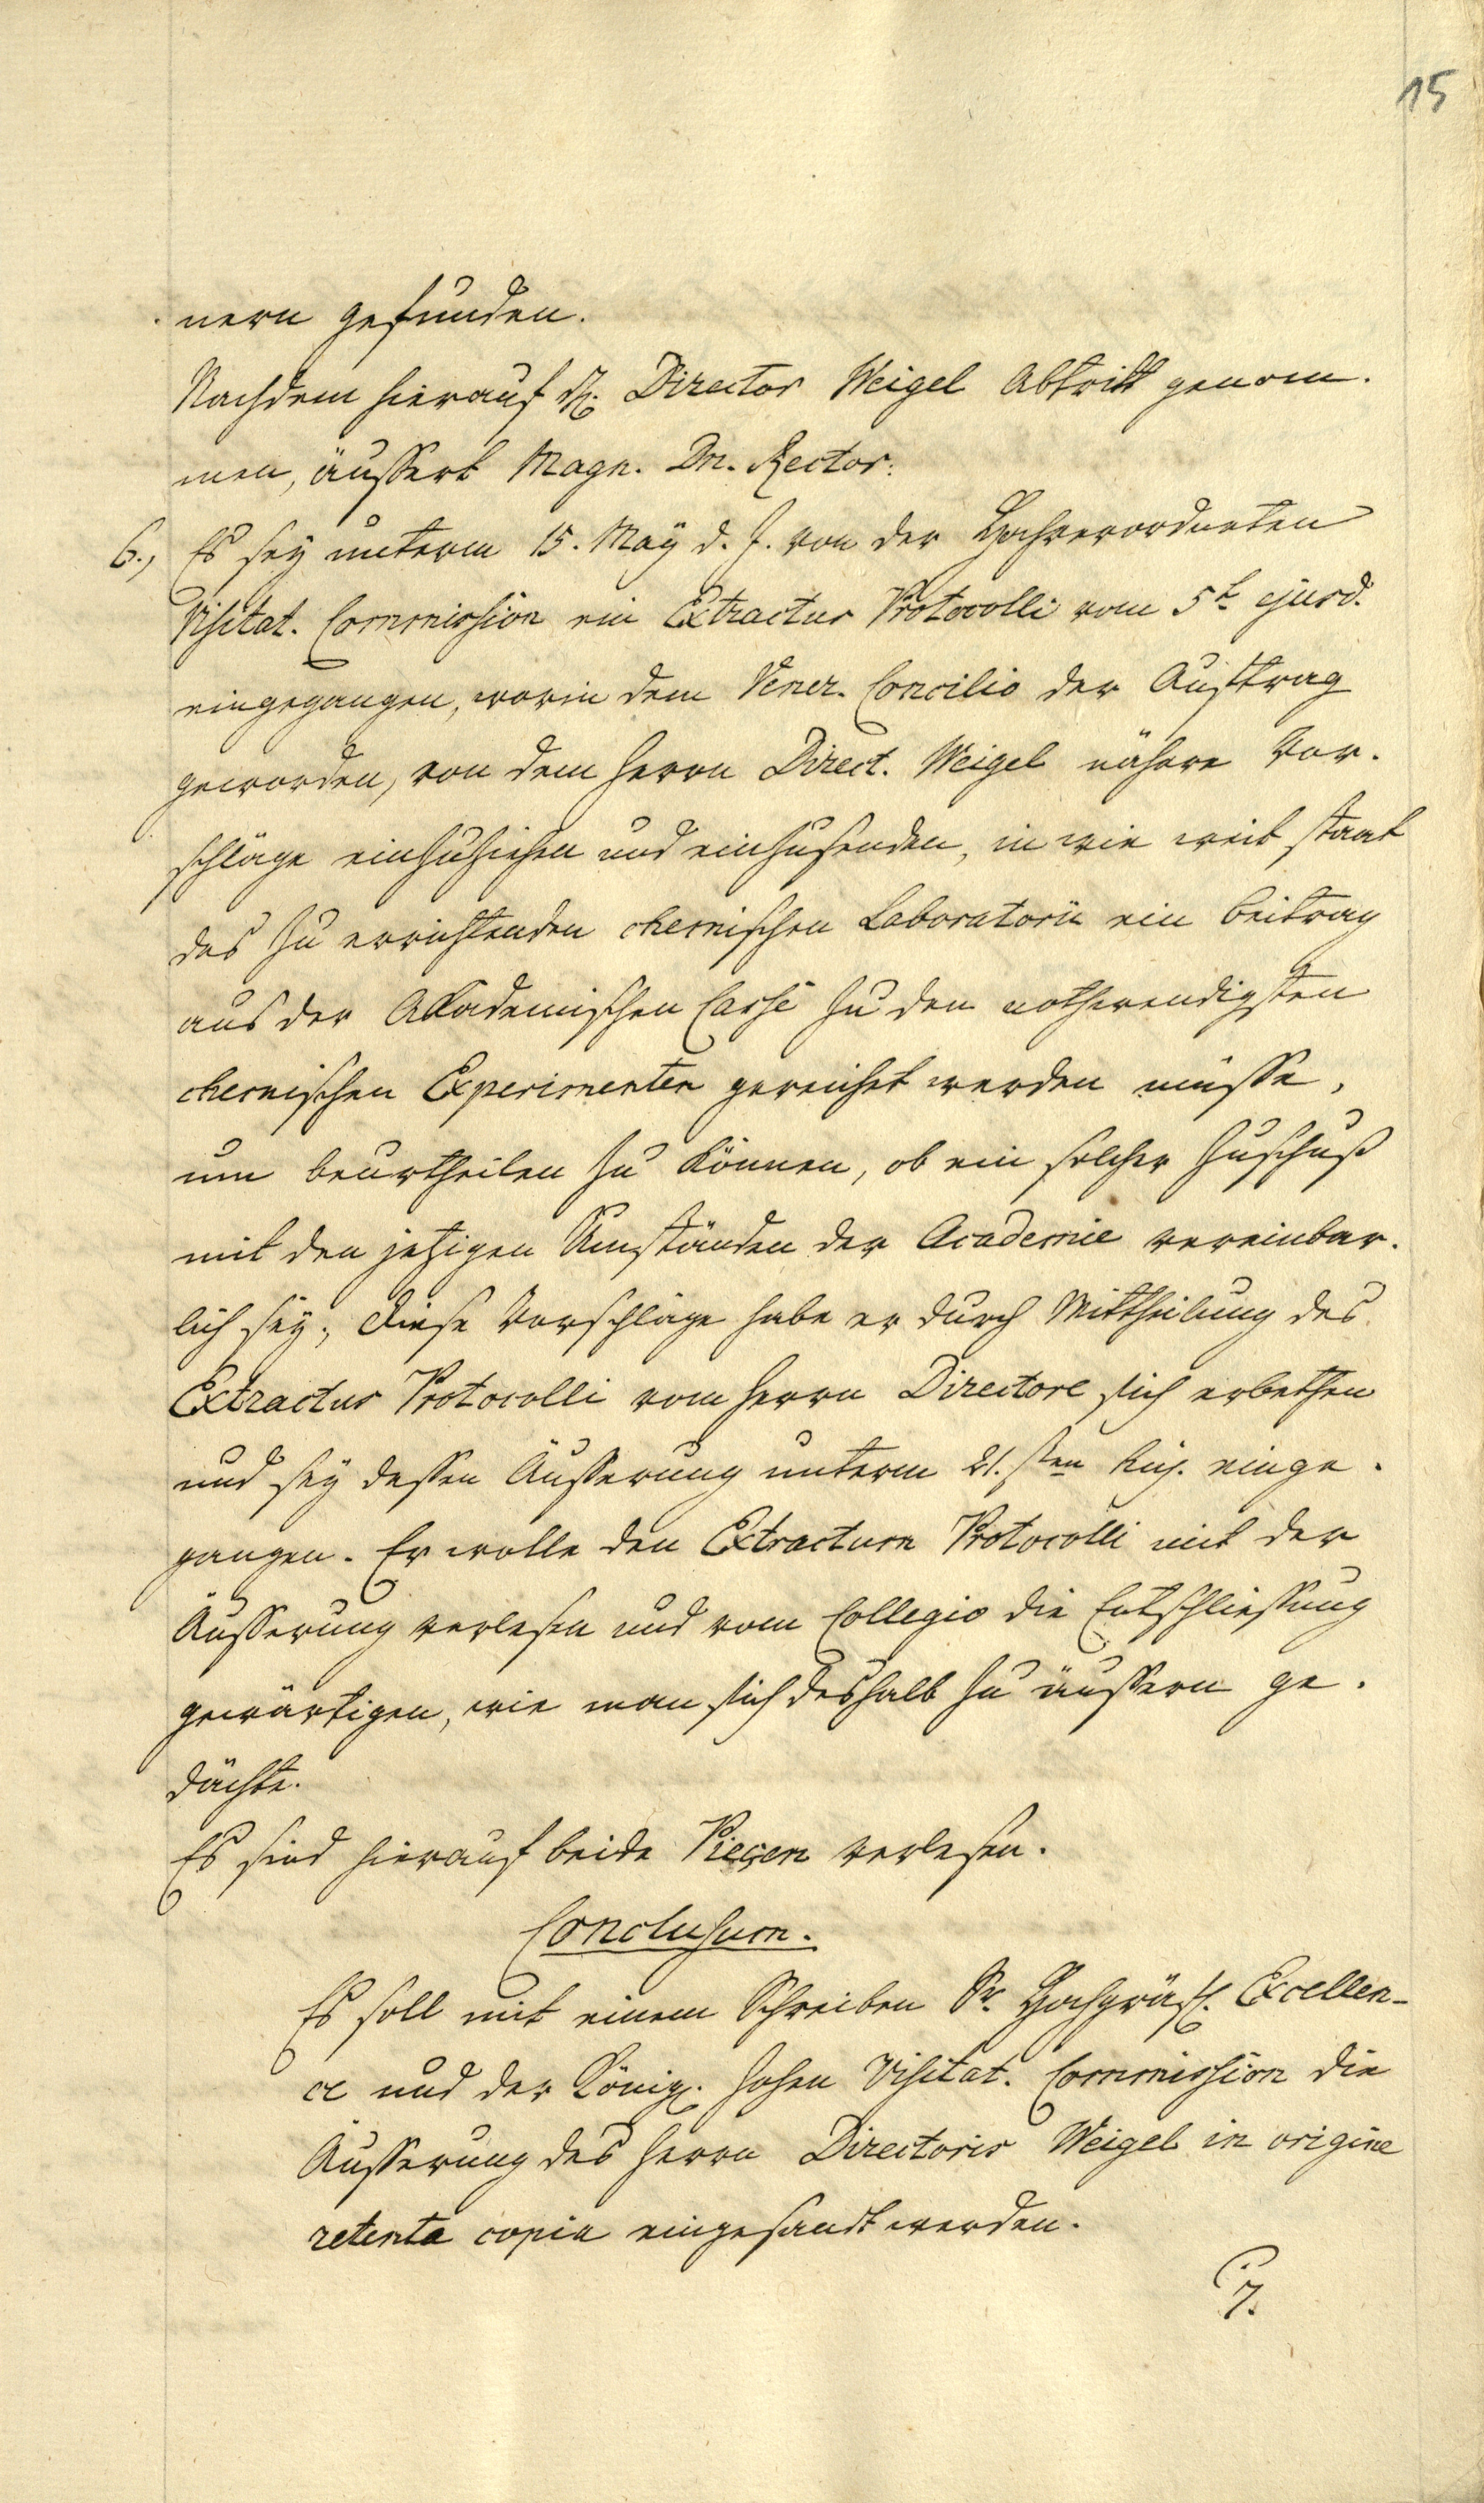nern gefunden.
Nachdem hierauf d. h. Director Weigel Abtritt genom-
men, äussert Magn. Dn. Rector:
6., Es sey unterm 15. May d. J. von der Hochverordneten
Visitat. Commission ein Extractus Protocolli vom 5t. ejusd.
eingegangen, worin dem Vener. Concilio der Auftrag
geworden, von dem Herrn Direct. Weigel nähere Vor-
schläge einzuziehen und einzusenden, in wie weit staat
des zu errichtenden chemischen Laboratorii ein Beitrag
aus der Akademischen Casse zu den nothwendigsten
chemischen Experimenten gereichet werden müsse,
um beurtheilen zu können, ob ein solcher Zuschuß
mit den jetzigen Umständen der Academie vereinbar-
lich sey; Diese Vorschläge habe er durch Mittheilung des
Extractus Protocolli vom Herrn Directore sich erbethen
und sey dessen Äusserung unterm 21.sten huj. einge-
gangen. Er wolle den Extractum Protocolli mit der
Äusserung verlesen und vom Collegio die Entschliessung
gewärtigen, wie man sich deshalb zu äussern ge-
dächte.
Es sind hierauf beide Piecen verlesen.
Conclusum.
Es soll mit einem Schreiben Sr. Hochgräfl. Excellen-
ce und der Königl. hohen Visitat. Commission die
Äusserung des Herrn Directoris Weigel in origine
retente copia eingesandt werden.
7.